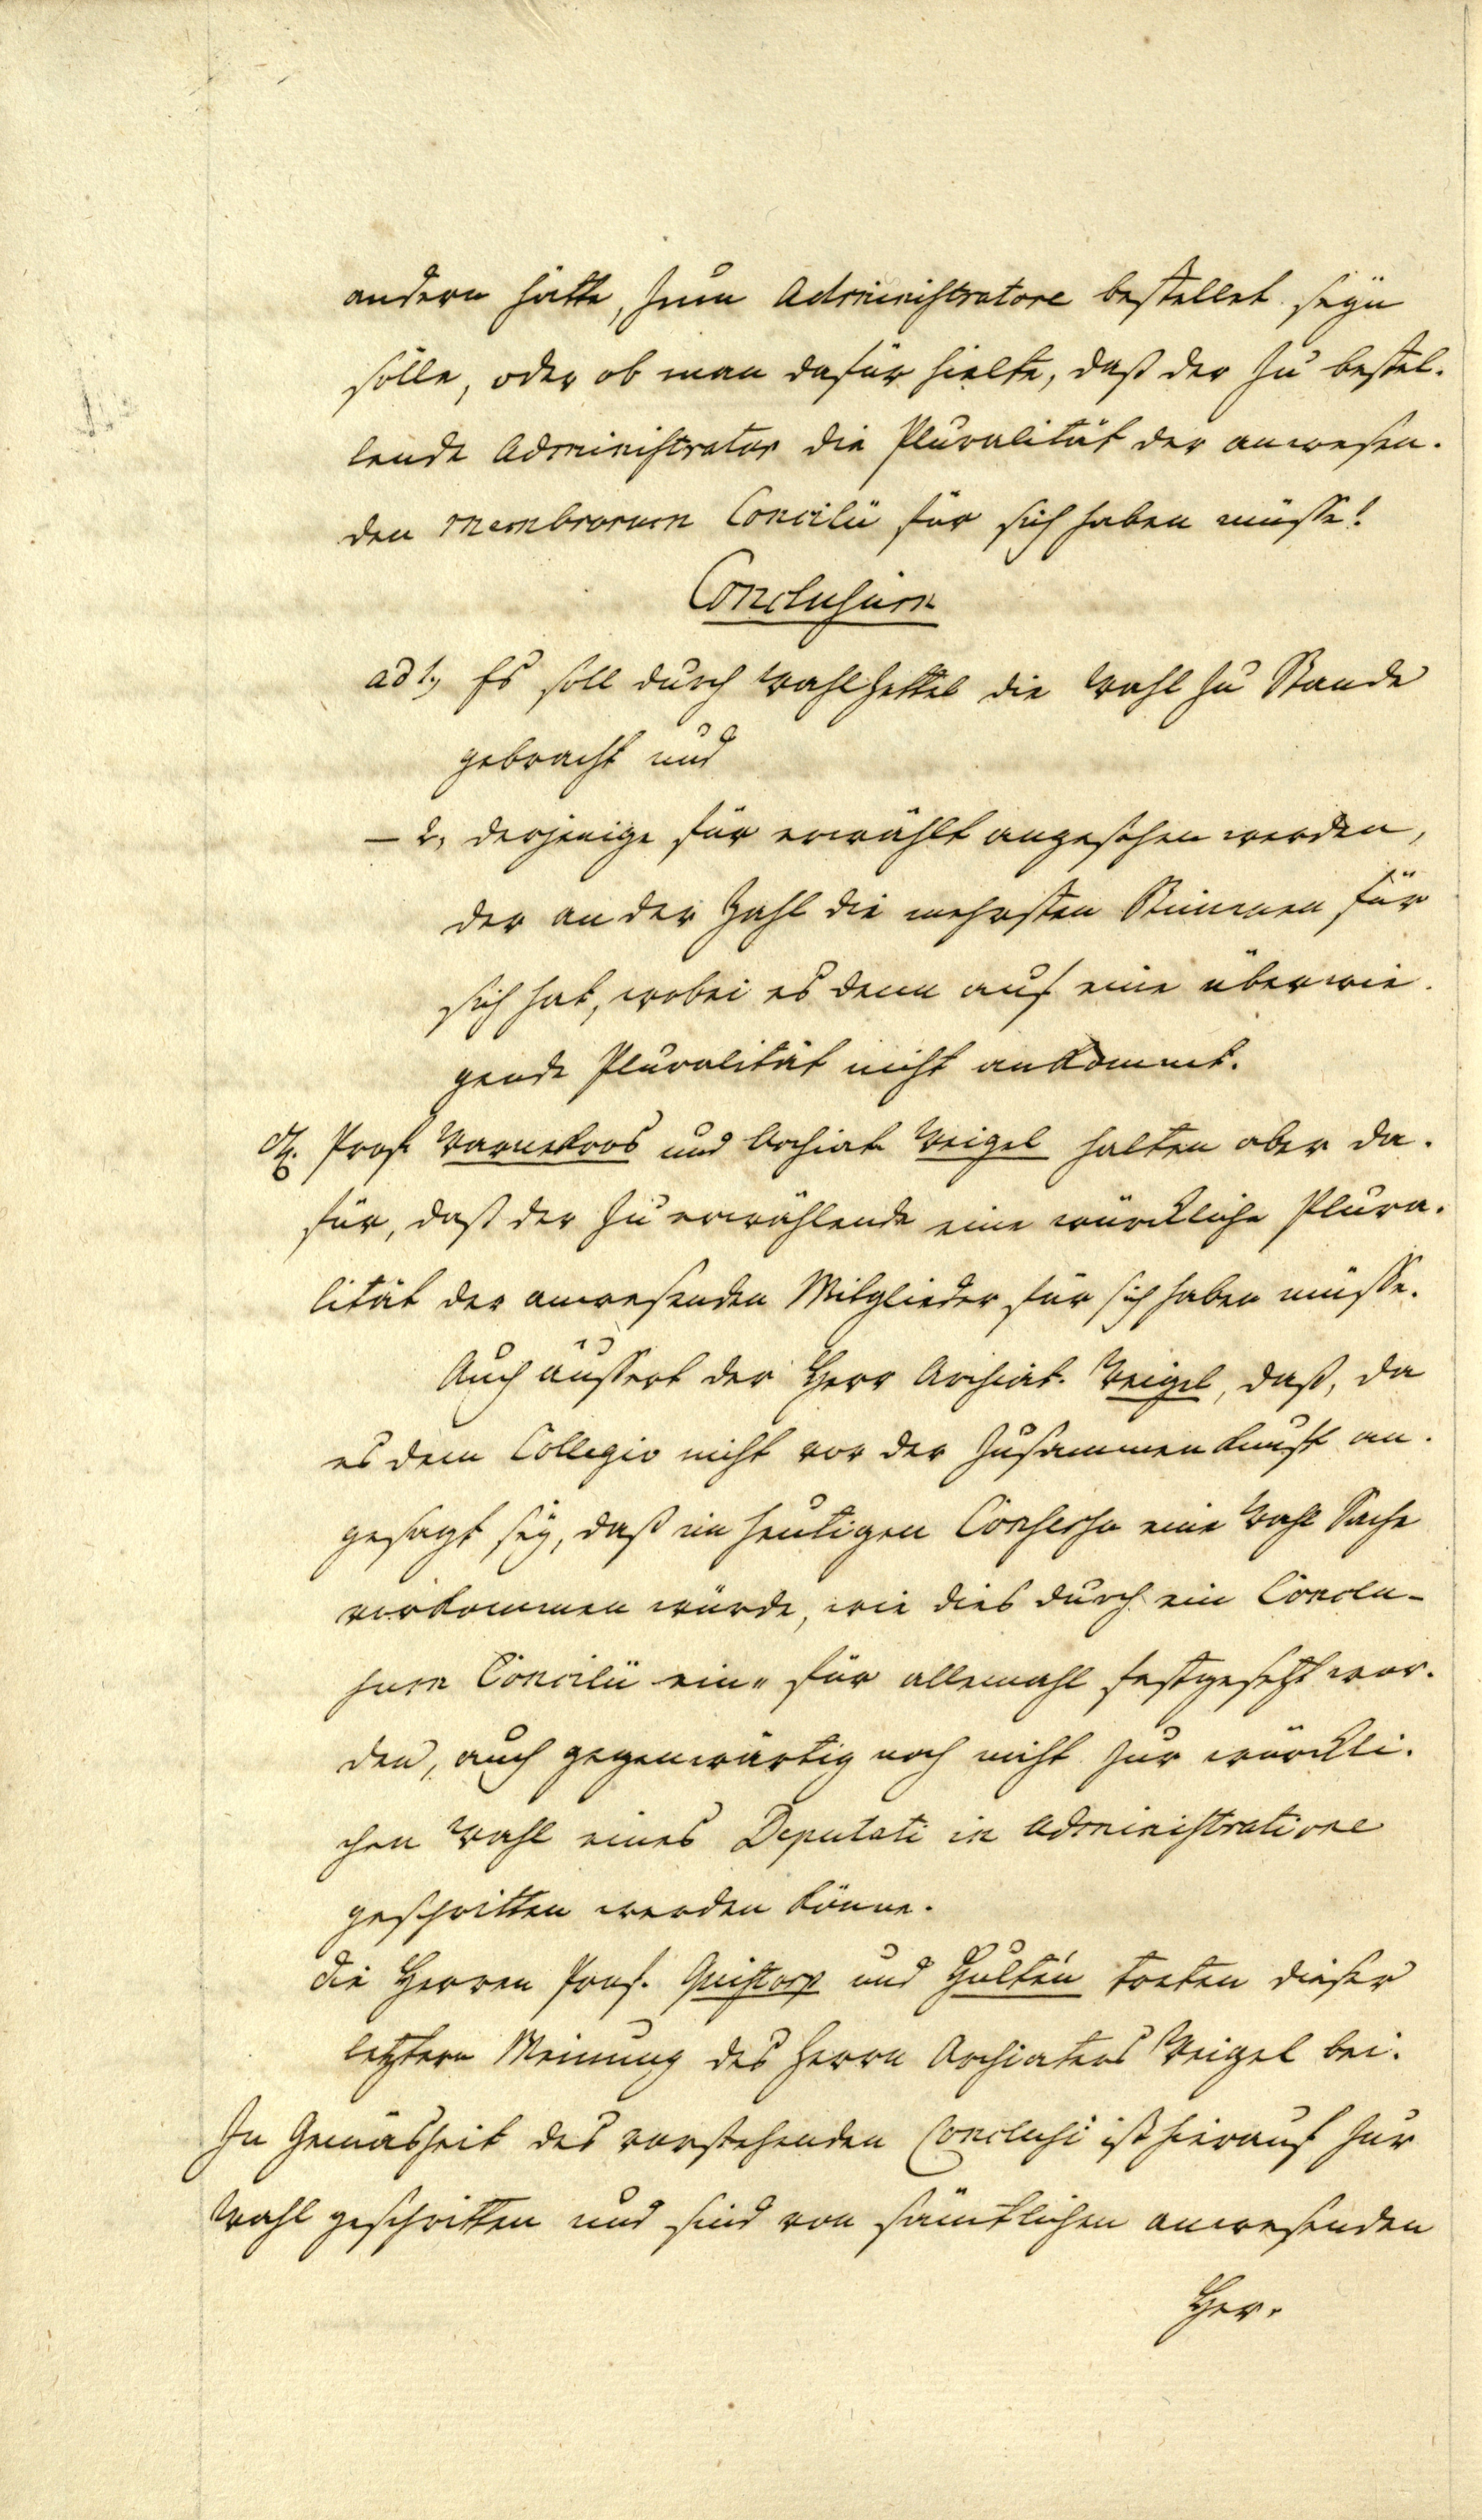andern hätte, zum Administratore bestellet seÿn
solle, oder ob man dafür hielte, daß der zu bestel¬
lende Administrator die Pluralität der anwesen¬
den membrorum Concilii für sich haben müsse?
Conclusum
ad 1.,. Es soll durch Wahlzettel die Wahl zu Stande
gebracht und
2., derjenige für erwählt angesehen werden,
der an der Zahl die mehrsten Stimmen für
sich hat, wobei es den auf eine überwie¬
gende Pluralität nicht ankommt.
dh. Prof. Warnekros und Archiat. Weigel halten aber da¬
für, daß der zu erwählende eine würckliche Plura¬
lität der anwesenden Mitglieder für sich haben müsse.
Auch äussert der Herr Archiat. Weigel, daß, da
es dem Collegio nicht vor der Zusammenkunft an¬
gesagt seÿ, daß in heutigen Consessu eine Wahl Sache
vorkommen würde, wie dies durch ein Conclu¬
sum Concilii ein für allemahl festgesetzt wor¬
den, auch gegenwärtig noch nicht zur würckli¬
chen Wahl eines Deputati in Administratione
geschritten werden könne.
die Herren Prof. Quistorp und Hultén treten dieser
letztern Meinung des Herrn Archiaters Weigel bei.
In Gemäsheit des vorstehenden Conclusi ist hierauf zur
Wahl geschritten und sind von sämtlichen anwesenden
Her¬